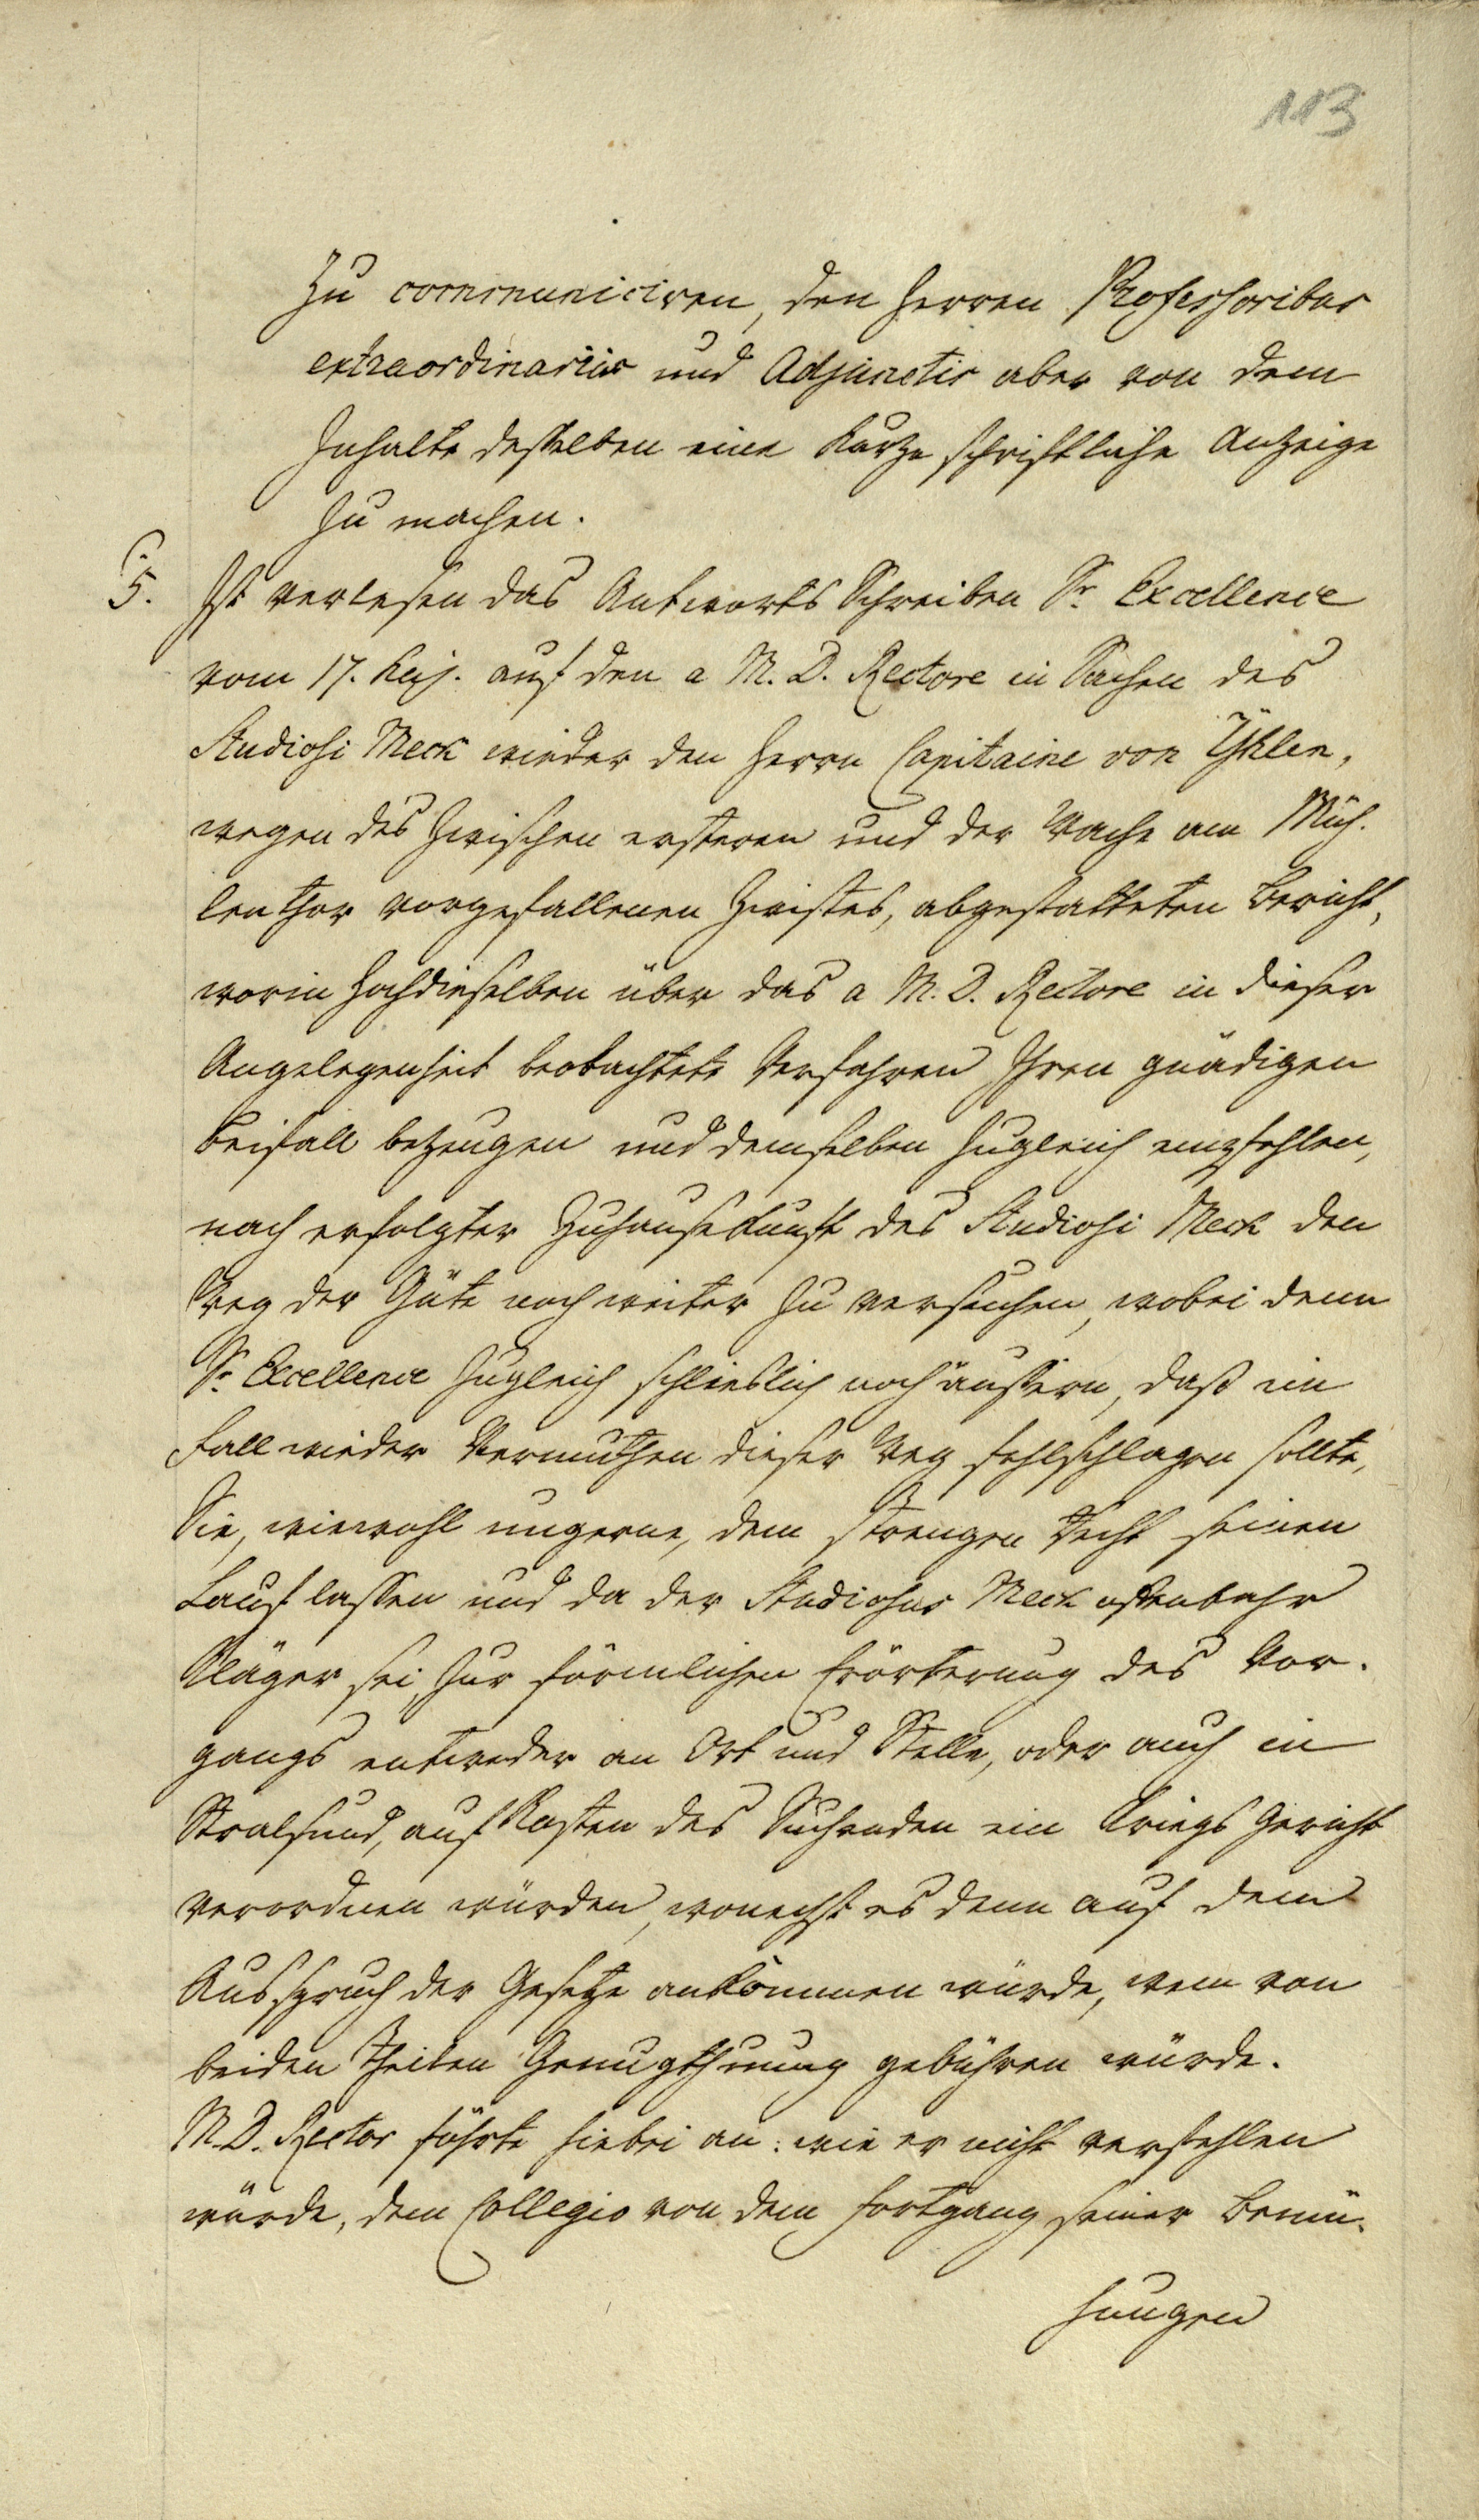zu communiciren den Herren Professoribus
extraordinariis und Adjunctis aber von dem
Inhalte desselben eine kurze schriftliche Anzeige
zu machen.
5. Ist verlesen das Antworts Schreiben Sr Excellence
vom 17. huj. auf den a M. D. Rectore in Sachen des
Studiosi Meck wieder den Herrn Capitaine von Ÿhlen,
wegen des zwischen ersteren und der Wache am Müh¬
lenthor vorgefallenen Zwistes, abgestatteten Bericht
worin Hochdieselben über das a M. D. Rectore in dieser
Angelegenheit beobachtete Verfahren Ihren gnädigen
Beifall bezeugen und demselben zugleich empfehlen,
nach erfolgter Zuhausekunft der Studiosi Meck den
Weg der Güte noch weiter zu versuchen, wobei denn
Sr Excellence zugleich schlieslich noch äussern, daß im
Fall wieder Vermuthen dieser Weg fehlschlagen sollte,
Sie, wiewohl ungerne, dem strengen Recht seinen
Lauf lassen und da der Studiosus Meck offenbahr
Kläger sei, zur förmlichen Erörterung des Vor¬
gangs entweder an Ort und Stelle, oder auch in
Stralsund, auf Kosten des Suchenden ein Kriegs Gericht
verordnen würden, wonechst es denn auf dem
Ausspruch der Gesetze ankommen würde, wem von
beiden Theilen Genugtuung gebühren würde.
M. D. Rector führte hiebei an: wie er nicht verfehlen
würde, dem Collegio von dem Fortgang seiner Bemü¬
hungen